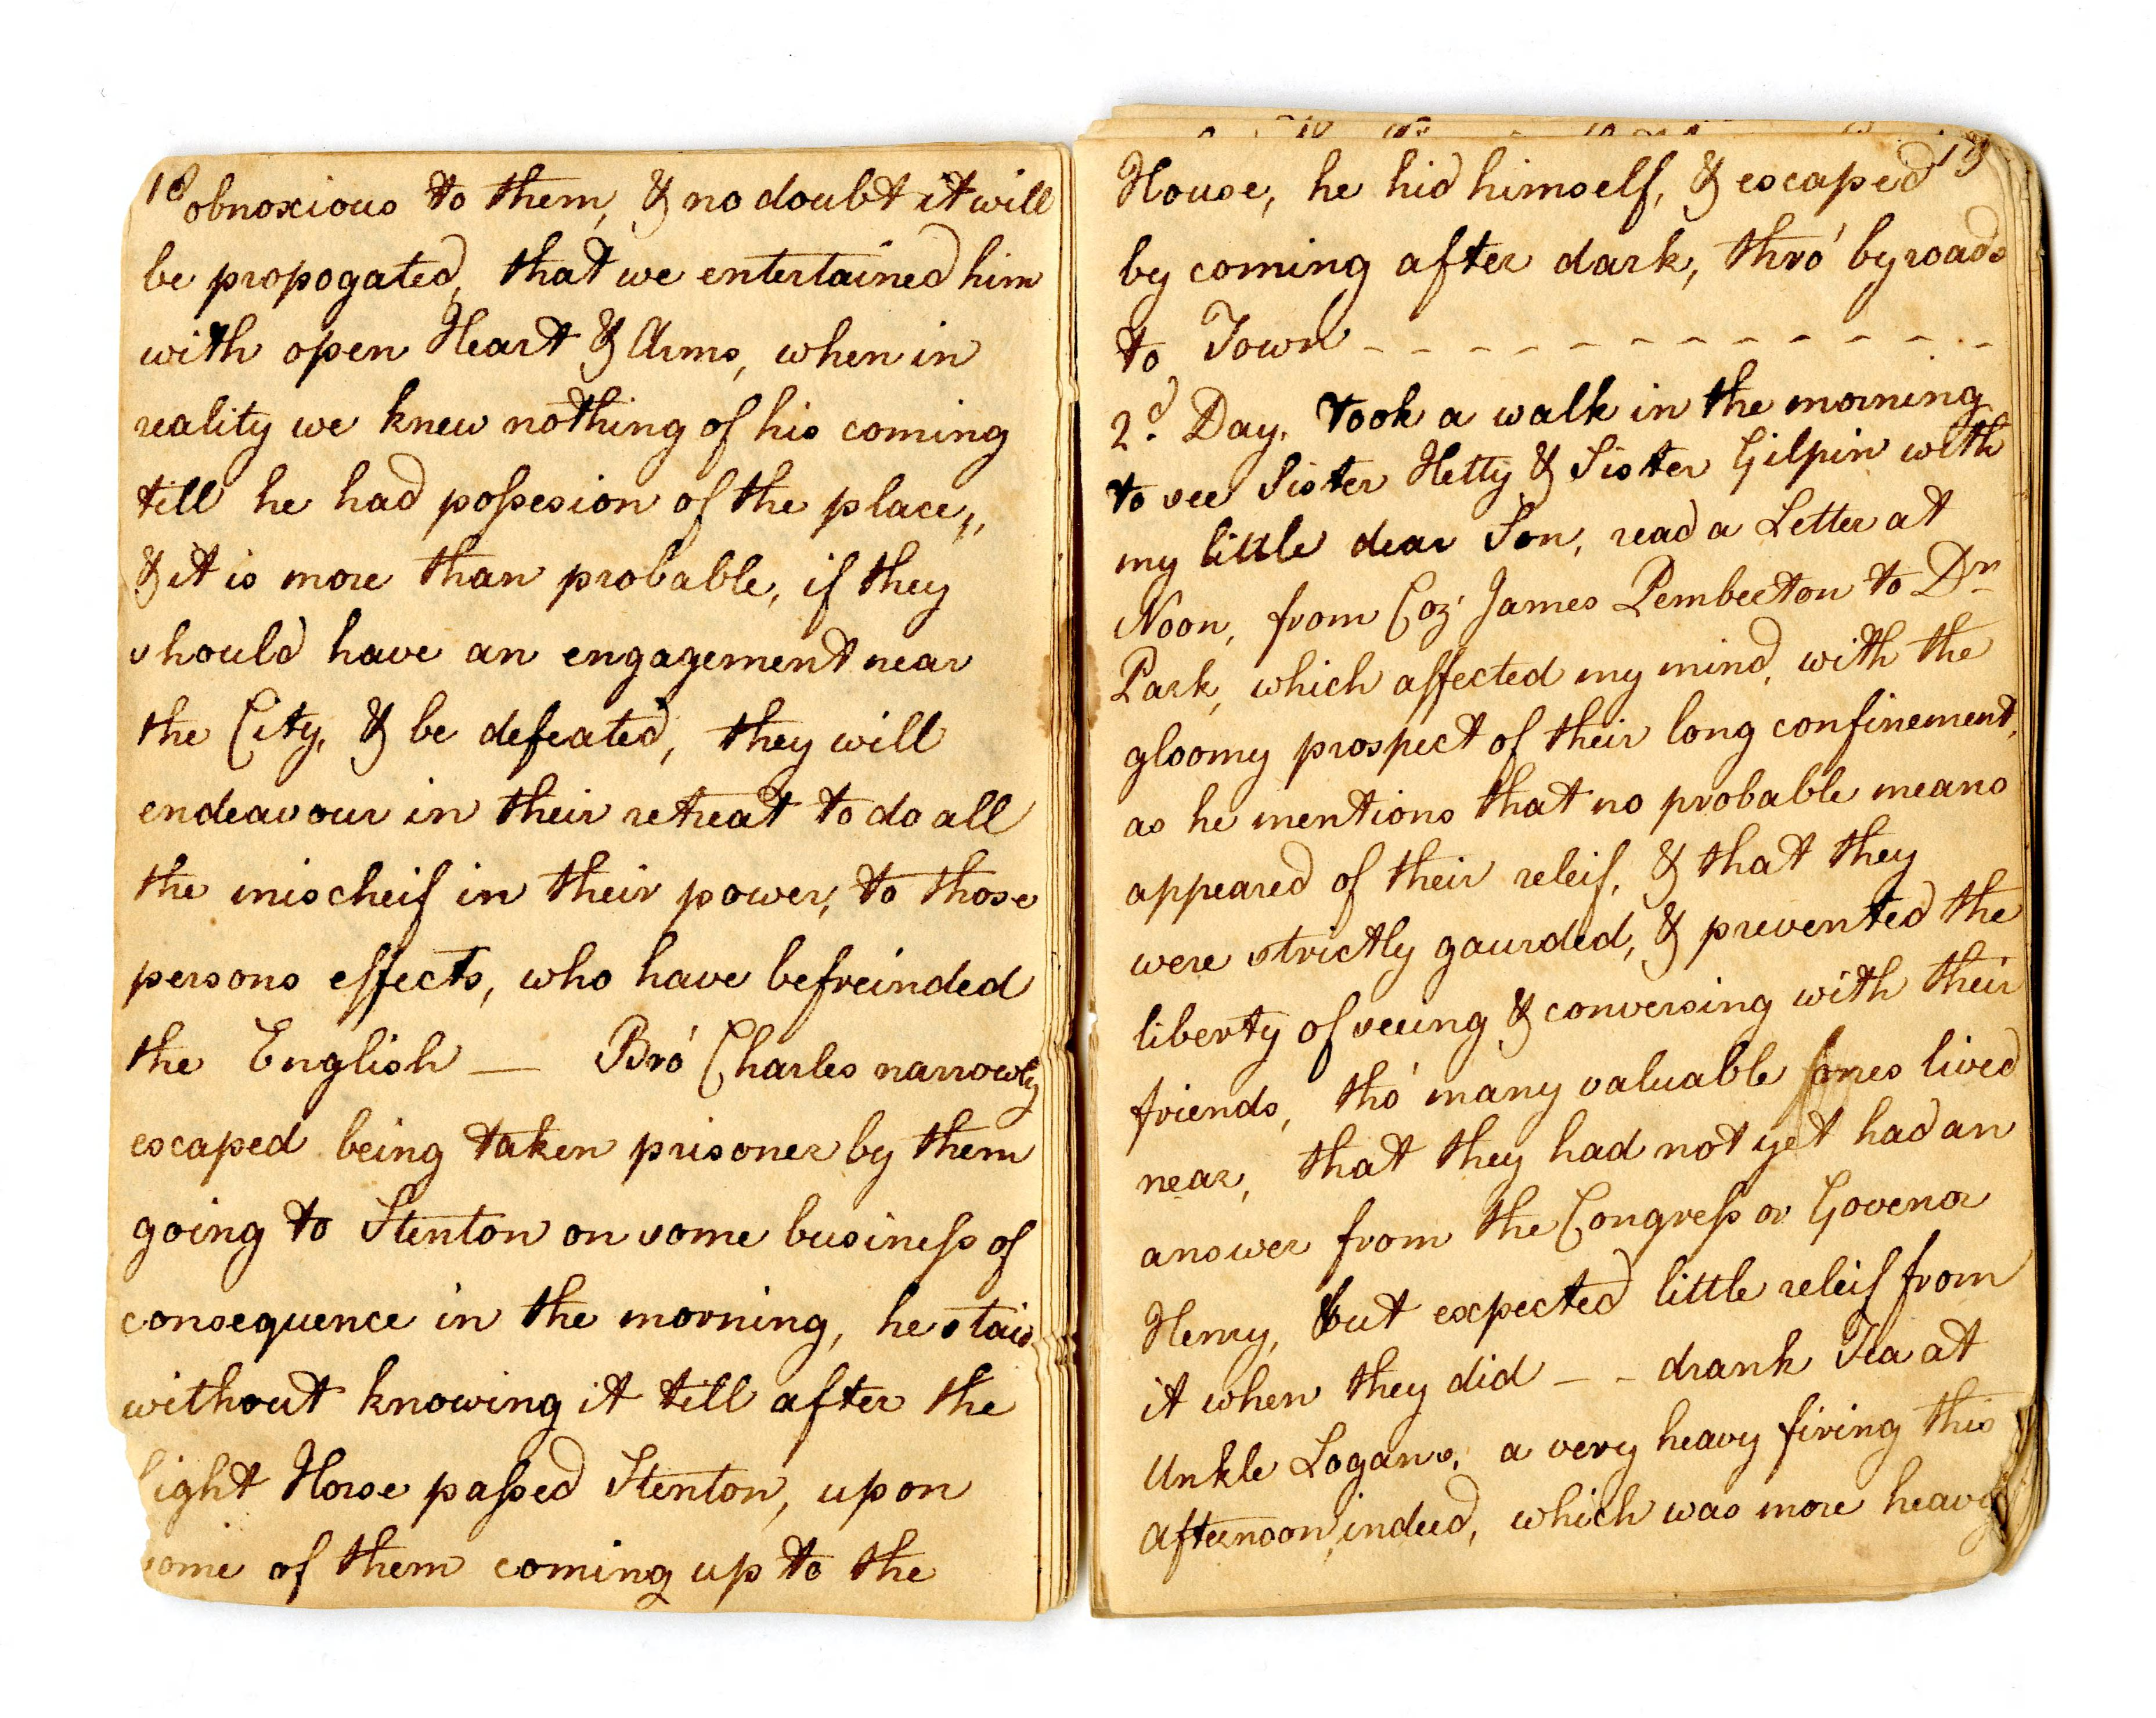18
obnoxious to them, & no doubt it will
be propogated, that we entertained him
with open Heart & Arms when in
reality we knew nothing of his coming
till he had possesion of the place,
& it is more than probable, if they
should have an engagement near
the City, & be defeated, they will
endeavour in their retreat to do all
the mischeif in their power, to those
persons effects, who have befreinded
the English- Bro' Charles narrowly
escaped being taken prisoner by them
going to Stenton on some business of
consequence in the morning, he staid
without knowing it till after the
Light Horse passed Stenton, upon
some of them coming up to the
19
House, he hid himself, & escaped
by coming after dark, thro' by roads
to Town----
2^d. Day, took a walk in the morning
to see Sister Hetty & Sister Gilpin with
my little dear Son, read a Letter at
Noon, from Coz James Pemberton to D^r
Park, which affected my mind with the
gloomy prospect of their long confinement,
as he mentions that no probable means
appeared of their releif, & that they
were strictly gaurded, & prevented the
liberty of seeing & conversing with their
friends, tho' many valuable ones lived
near, that they had not yet had an
answer from the Congress or Govenor
Henry, but expected little releif from
it when they did-- drank Tea at
Unkle Logans, a very heavy firing this
Afternoon indeed, which was more heavy